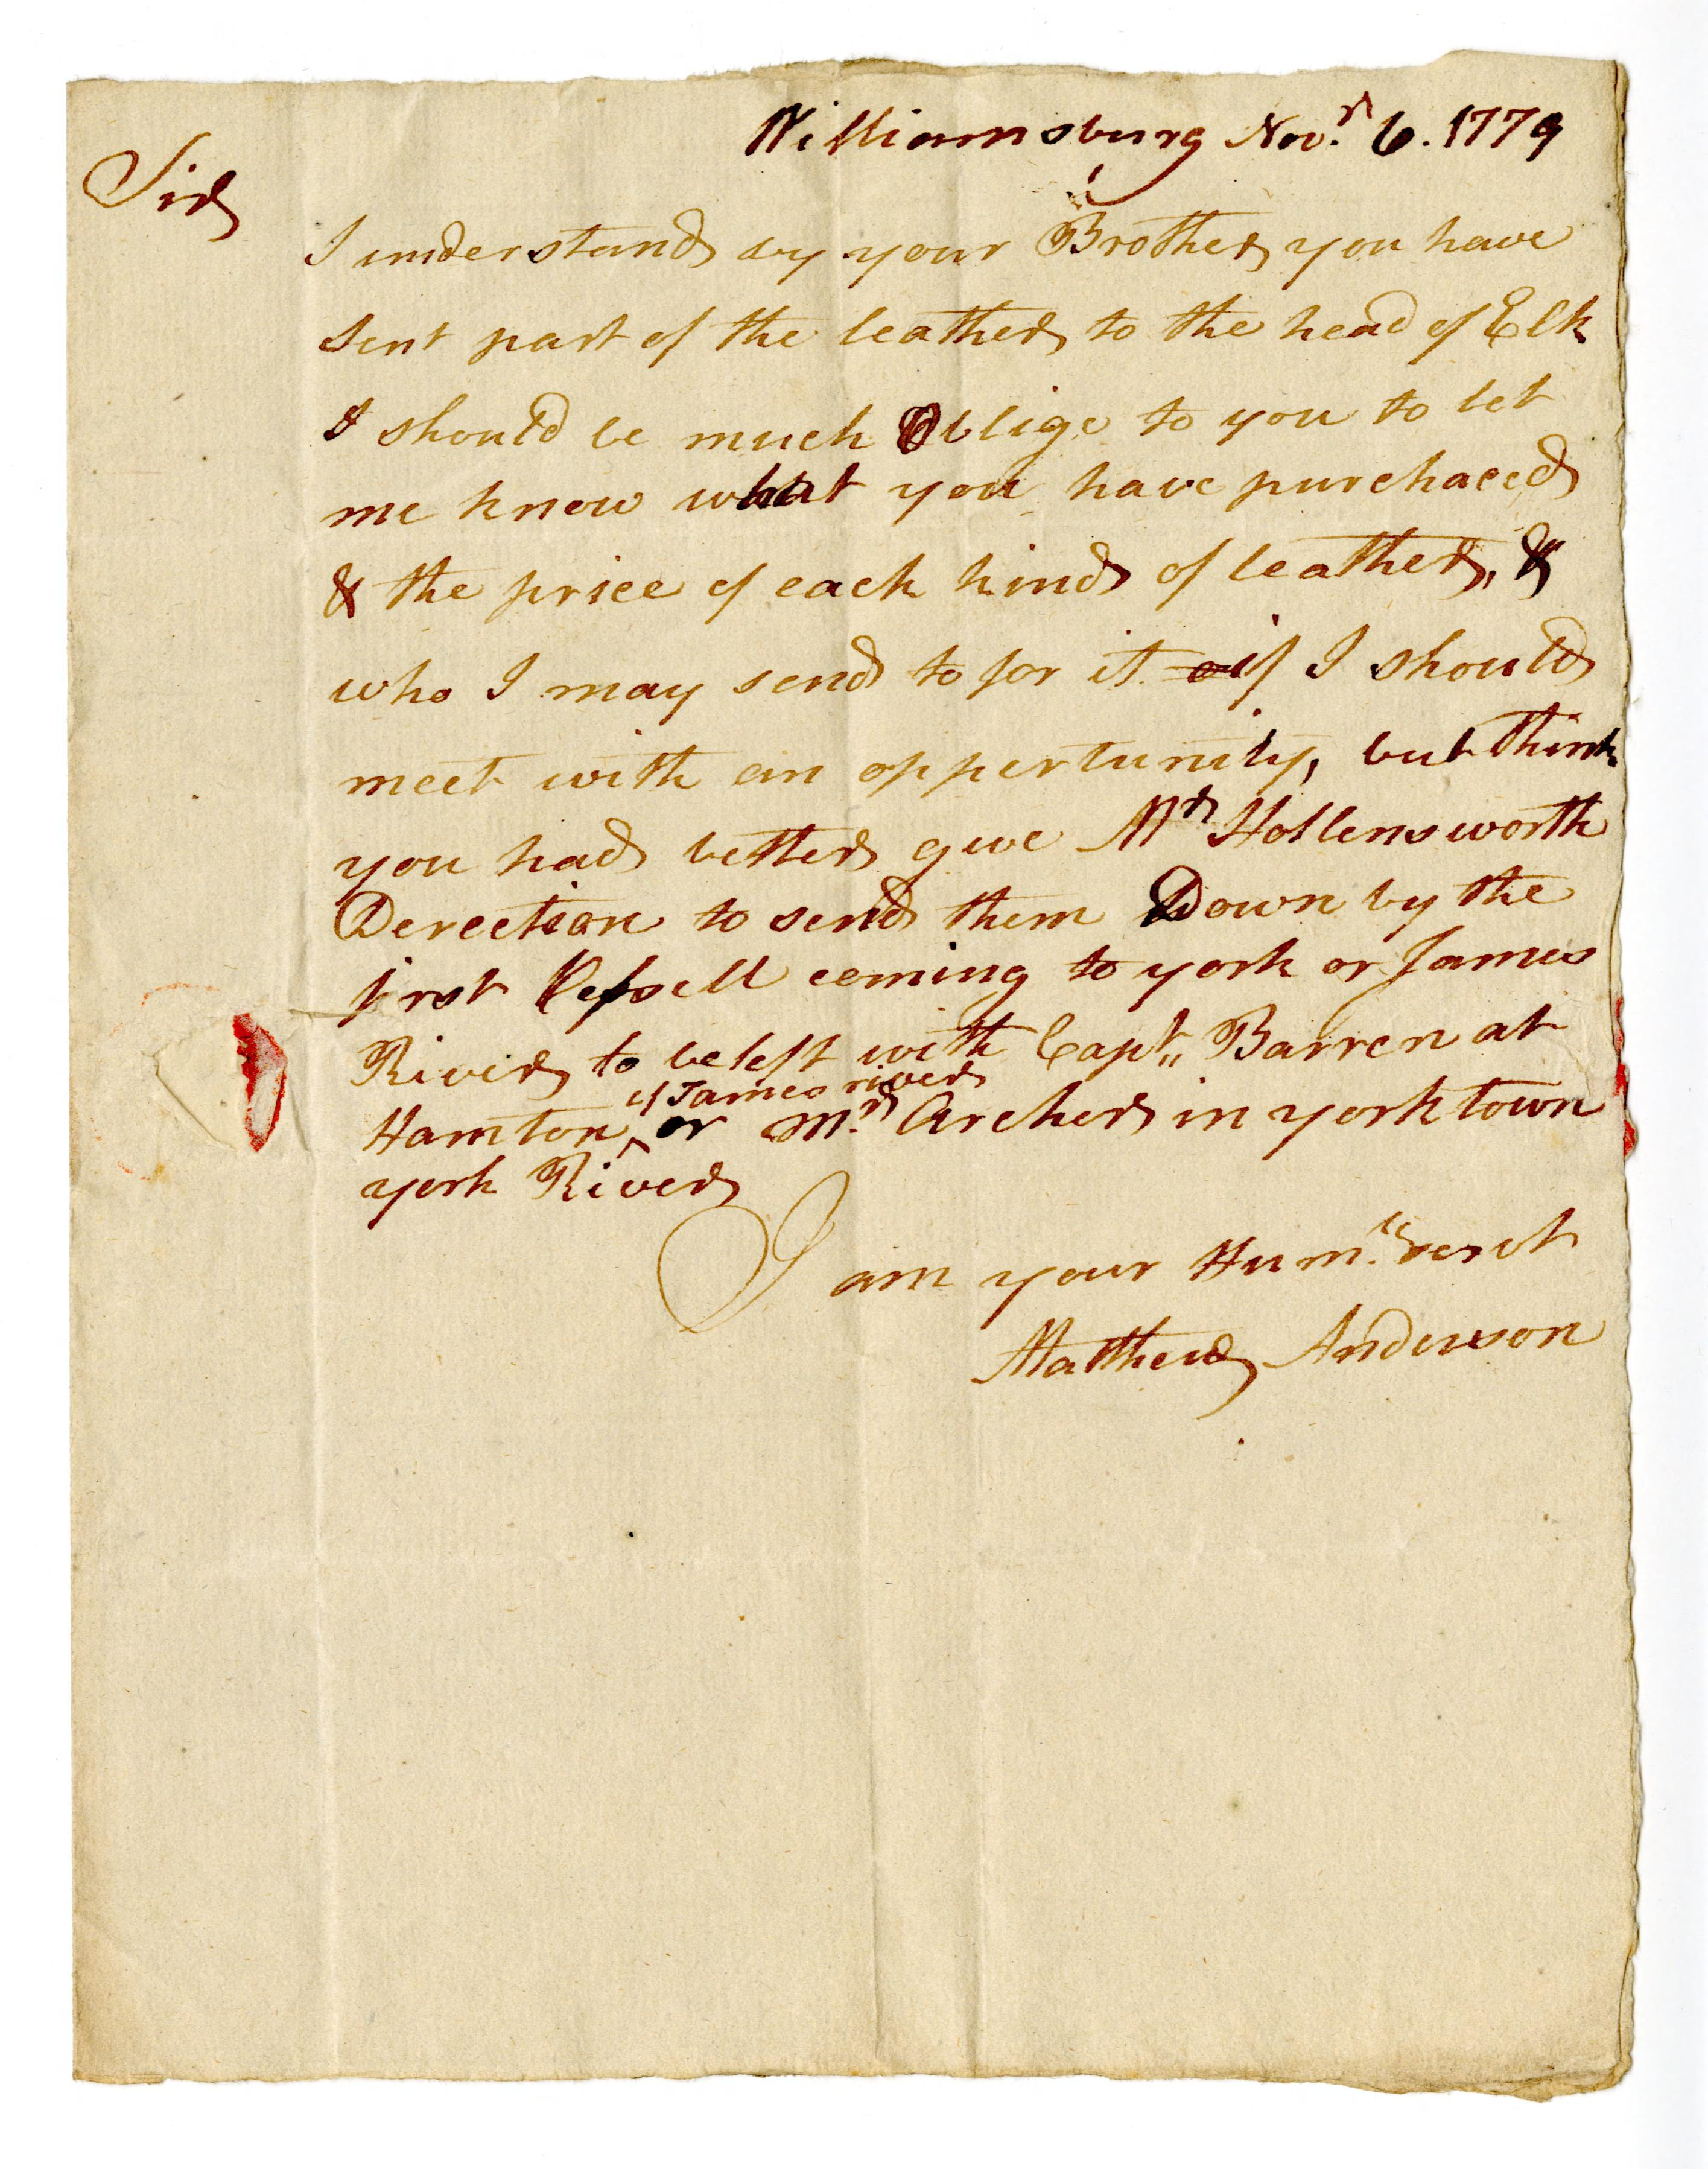Williamsburrg Nov^r. 6. 1779
Sir
I understand by your Brother, you have
sent part of the leather to the head of Elk.
I should be much oblige to you to let
me know what you have purchased
& the price of each kinds of leathers, &
who I may send to for it [_] if I should
meet with an oppertunity, but think
you had better give M^r. Hollensworth
Derection to send them Down by the
first Vessell coming to York or James
Rivers to befest with Cap^t. Barren at
James Rivers
Hamton or M^r: Archers in Yorktown
York Rivers
I am your Hum^le Serv^t
Matthew Anderson